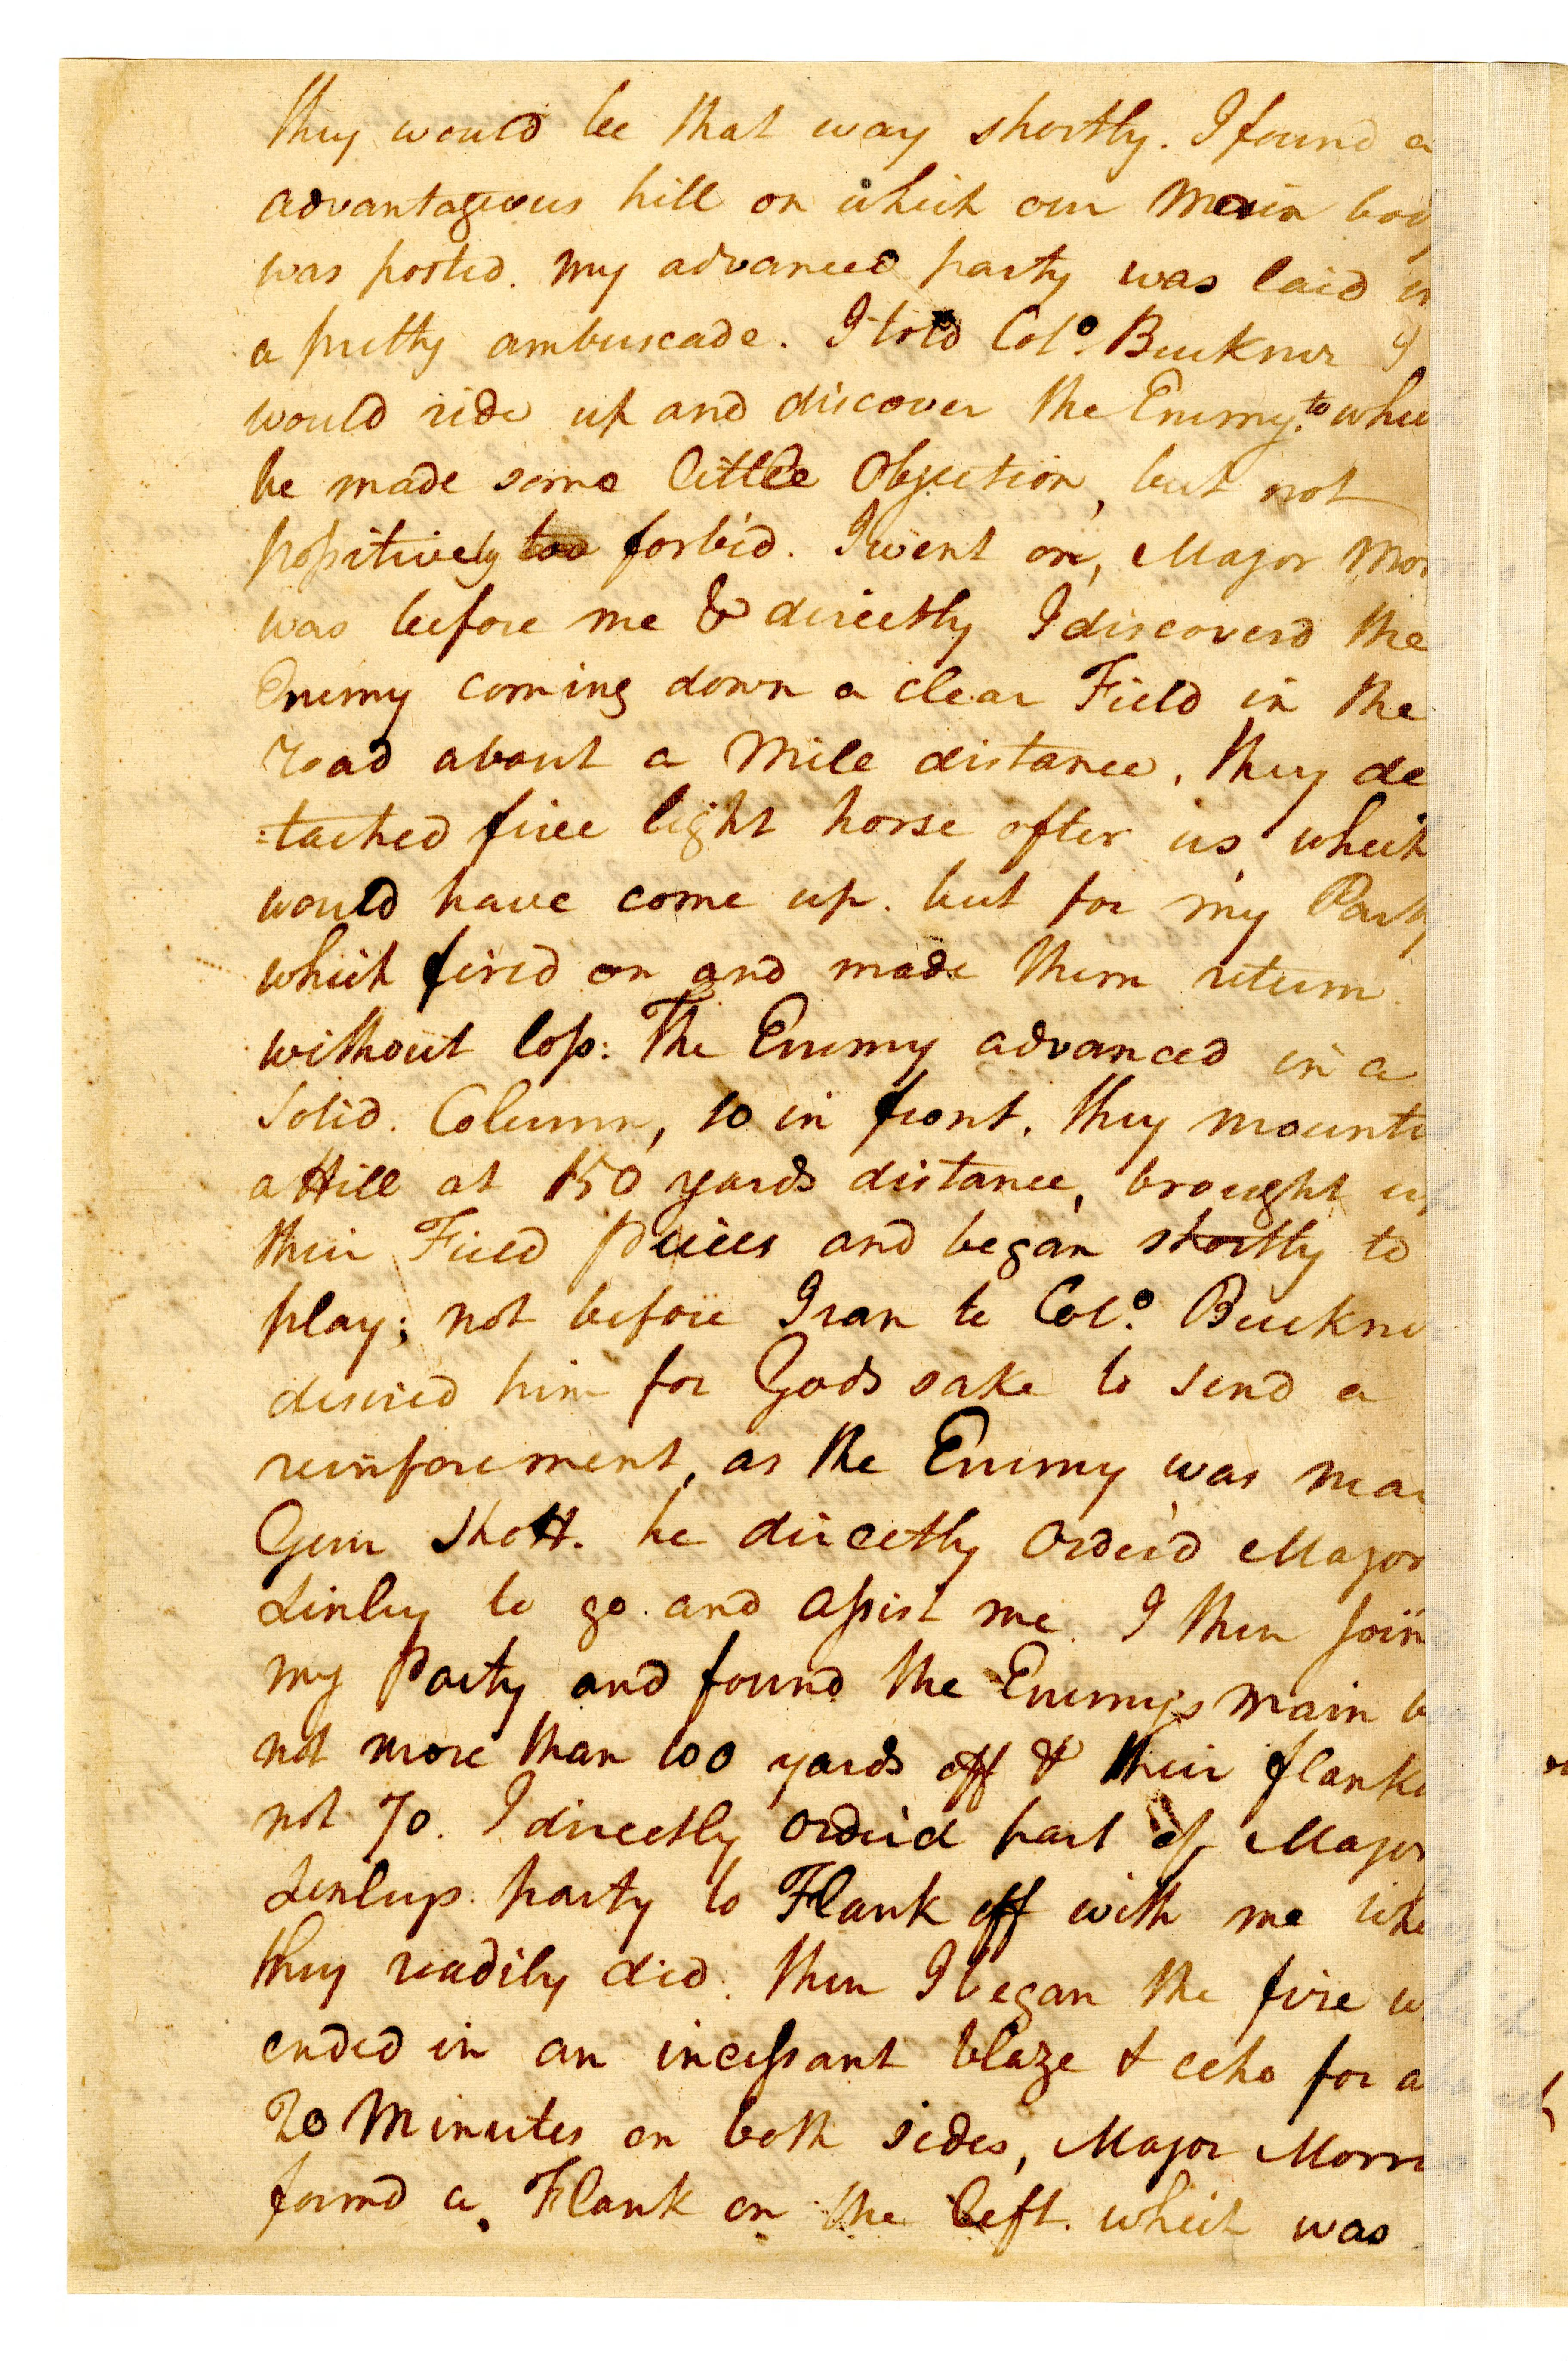they would be that way shortly. I found a
advantageous hill on which our main body
was posted. my advanced party was laid in
a pretty ambuscade. I told Col^o. Buckner I
would ride up and discover the Enemy, to which
he made some little Objection, but not
possitively too forbid. I went on, Major Morris
was before me & directly I discovered the
Enemy coming down a clear Field in the
road about a Mile distance, they de
-tached five light horse after us which
would have come up but for my Party
which fired on and made them return
without loss: The Enemy advanced in a
Solid Column, 10 in front, they mounted
a Hill at 150 yards distance brought up
their Field Pieces and began shortly to
play; not before I ran to Col^o. Buckner
desired him for Gods sake to send a
reinforcment, as the Enemy was near
Gen Shott. he directly order'd Major
Linley to go and assist me. I then joind
my Party and found the Enemy's main body
not more than 100 yards off & their flankers
not 70. I directly order'd part of Major
Lenleys party to Flank off with me which
they readily did then I began the fire which
ended in an incessant blaze & echo for about
20 Minutes on both sides, Major Morris
formd a Flank on the left which was